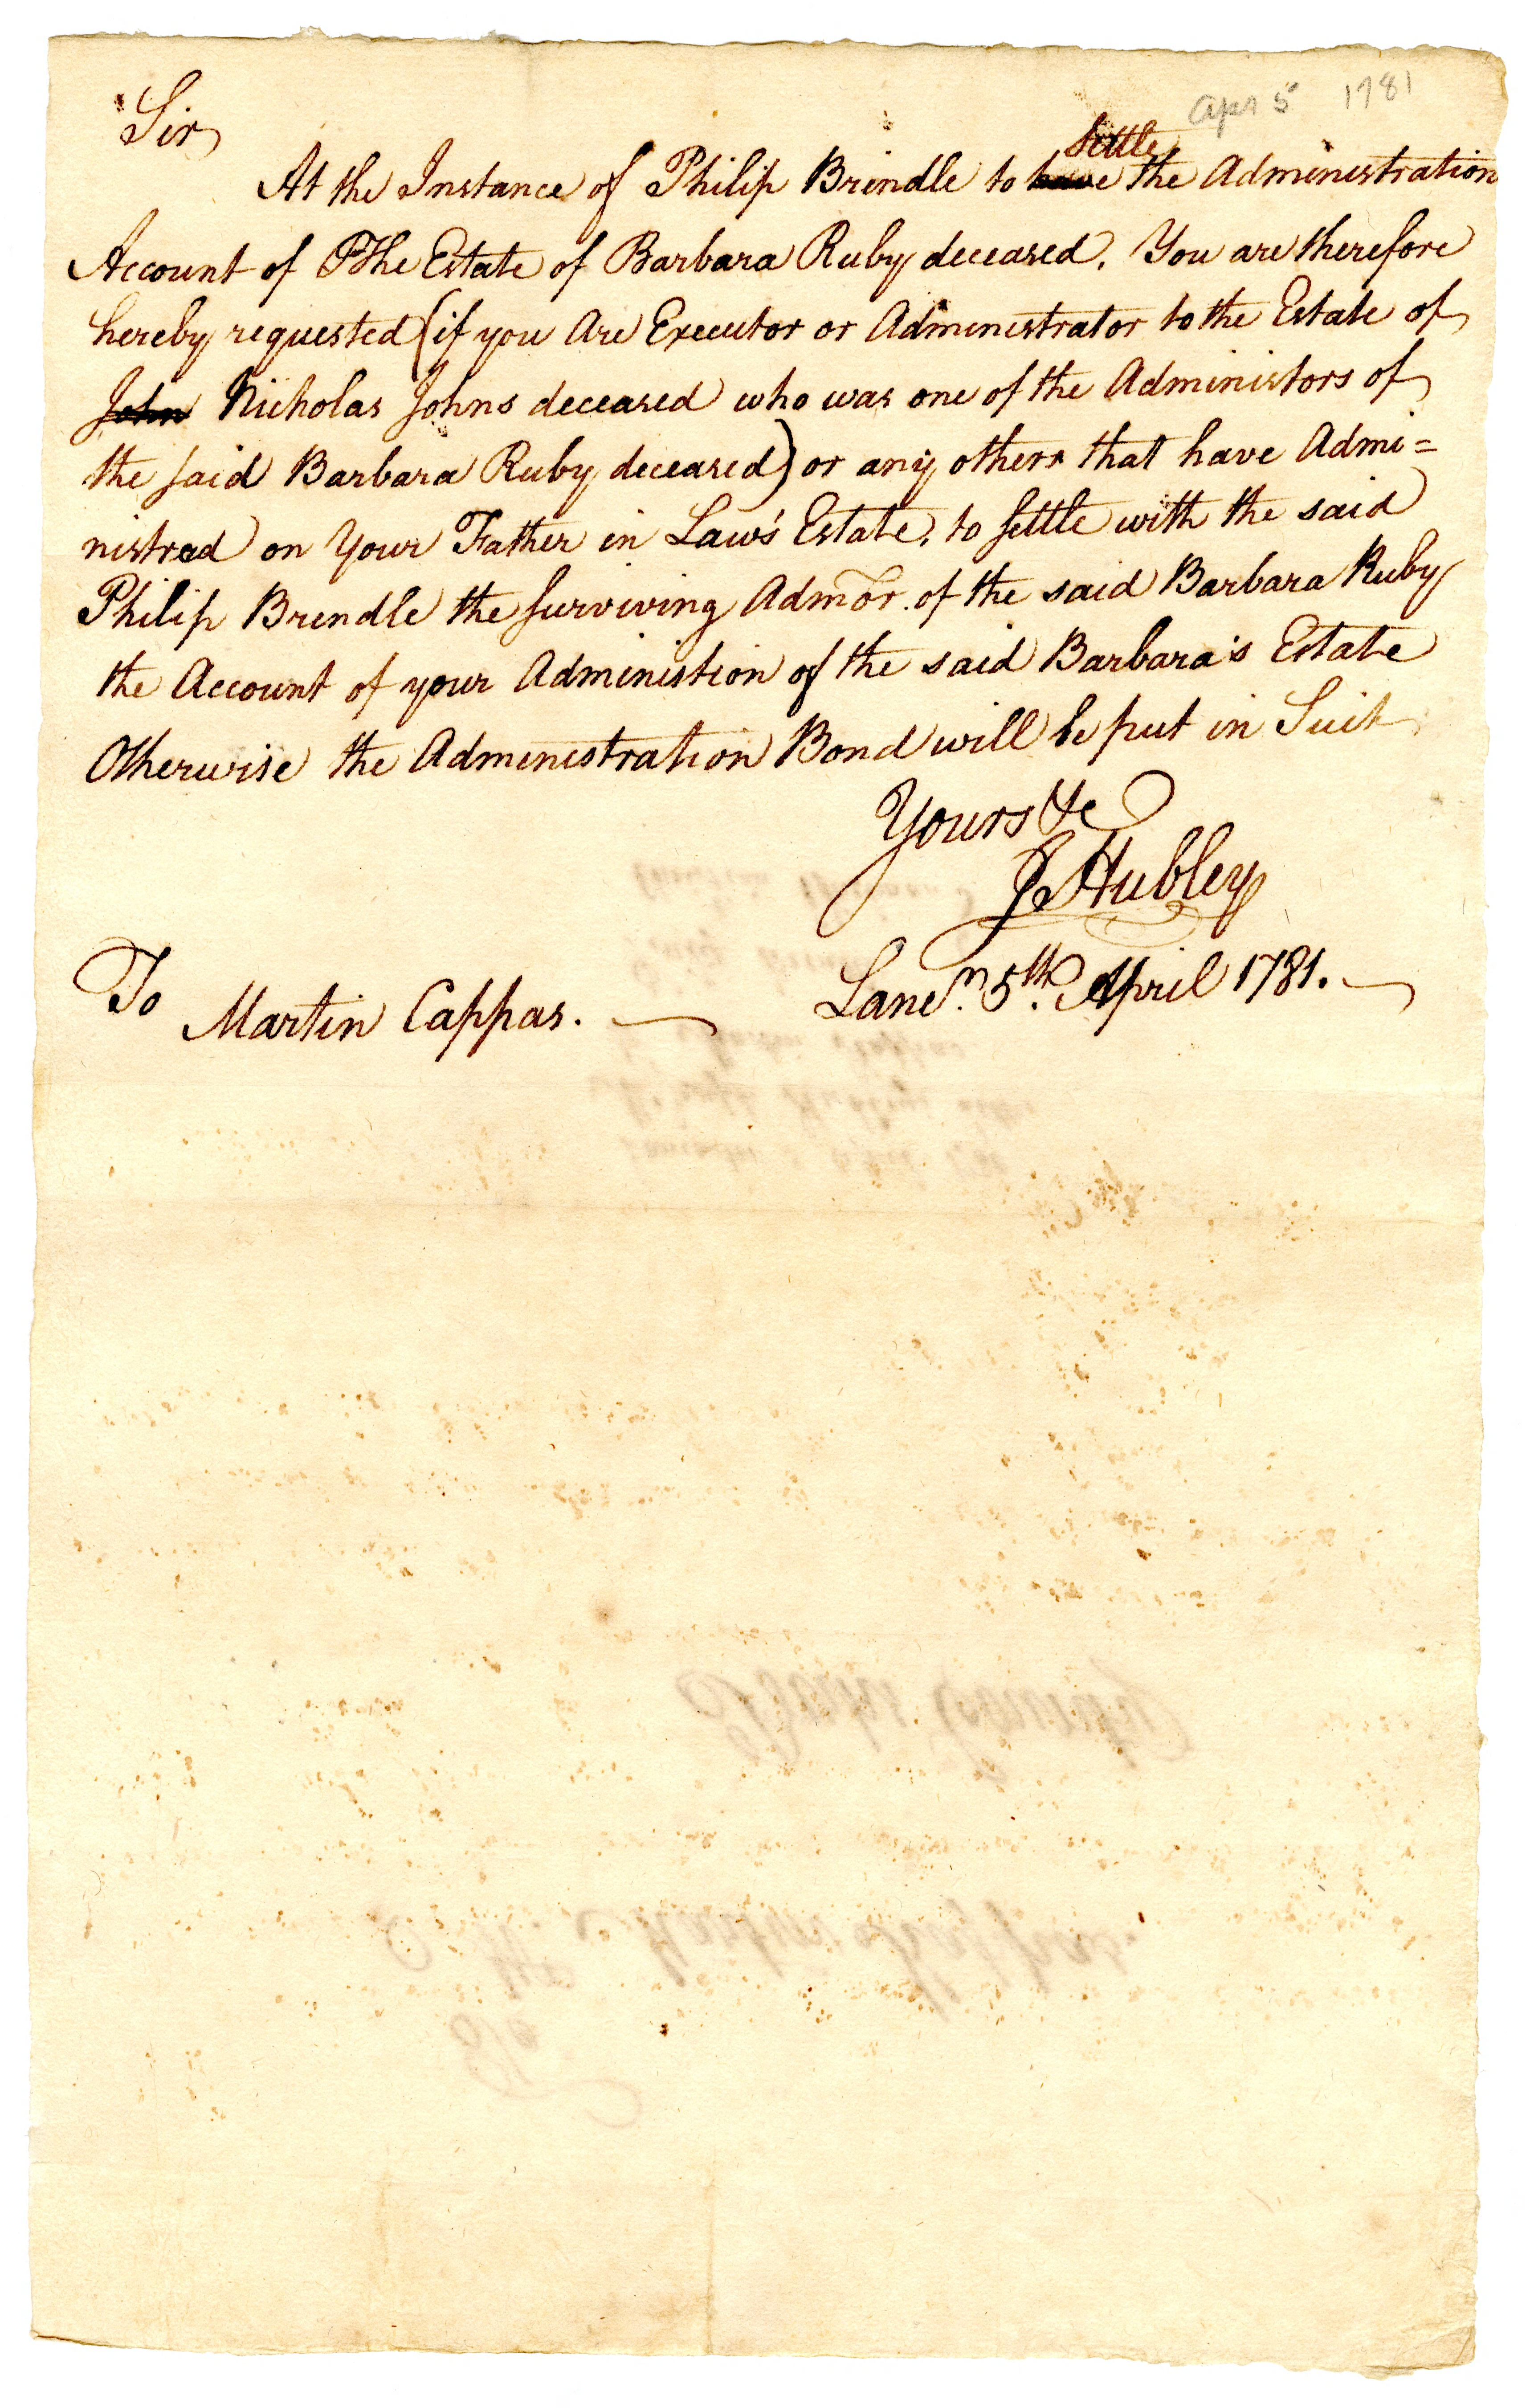Sir
Settle
At the Instance of Philip Brendle to have the Administration
Account of the Estate of Barbara Ruby deceased. You are therefore
hereby requested (if you Are Executor or Administrator to the Estate of
John Nicholas Johns deceased who was one of the Administors of
the said Barbara Ruby deceased) or any others that have Admi-
-nistred on Your Father in Law's Estate, to settle with the said
Philip Brendle the surviving Admor. of the said Barbara Ruby
the Account of your Administion of the said Barbara's Estate
Otherwise the Administration Bond will be put in Suit
Yours &c
J. Hubley
Lanc^r. 5^th. April 1781.
To
Martin Cappas